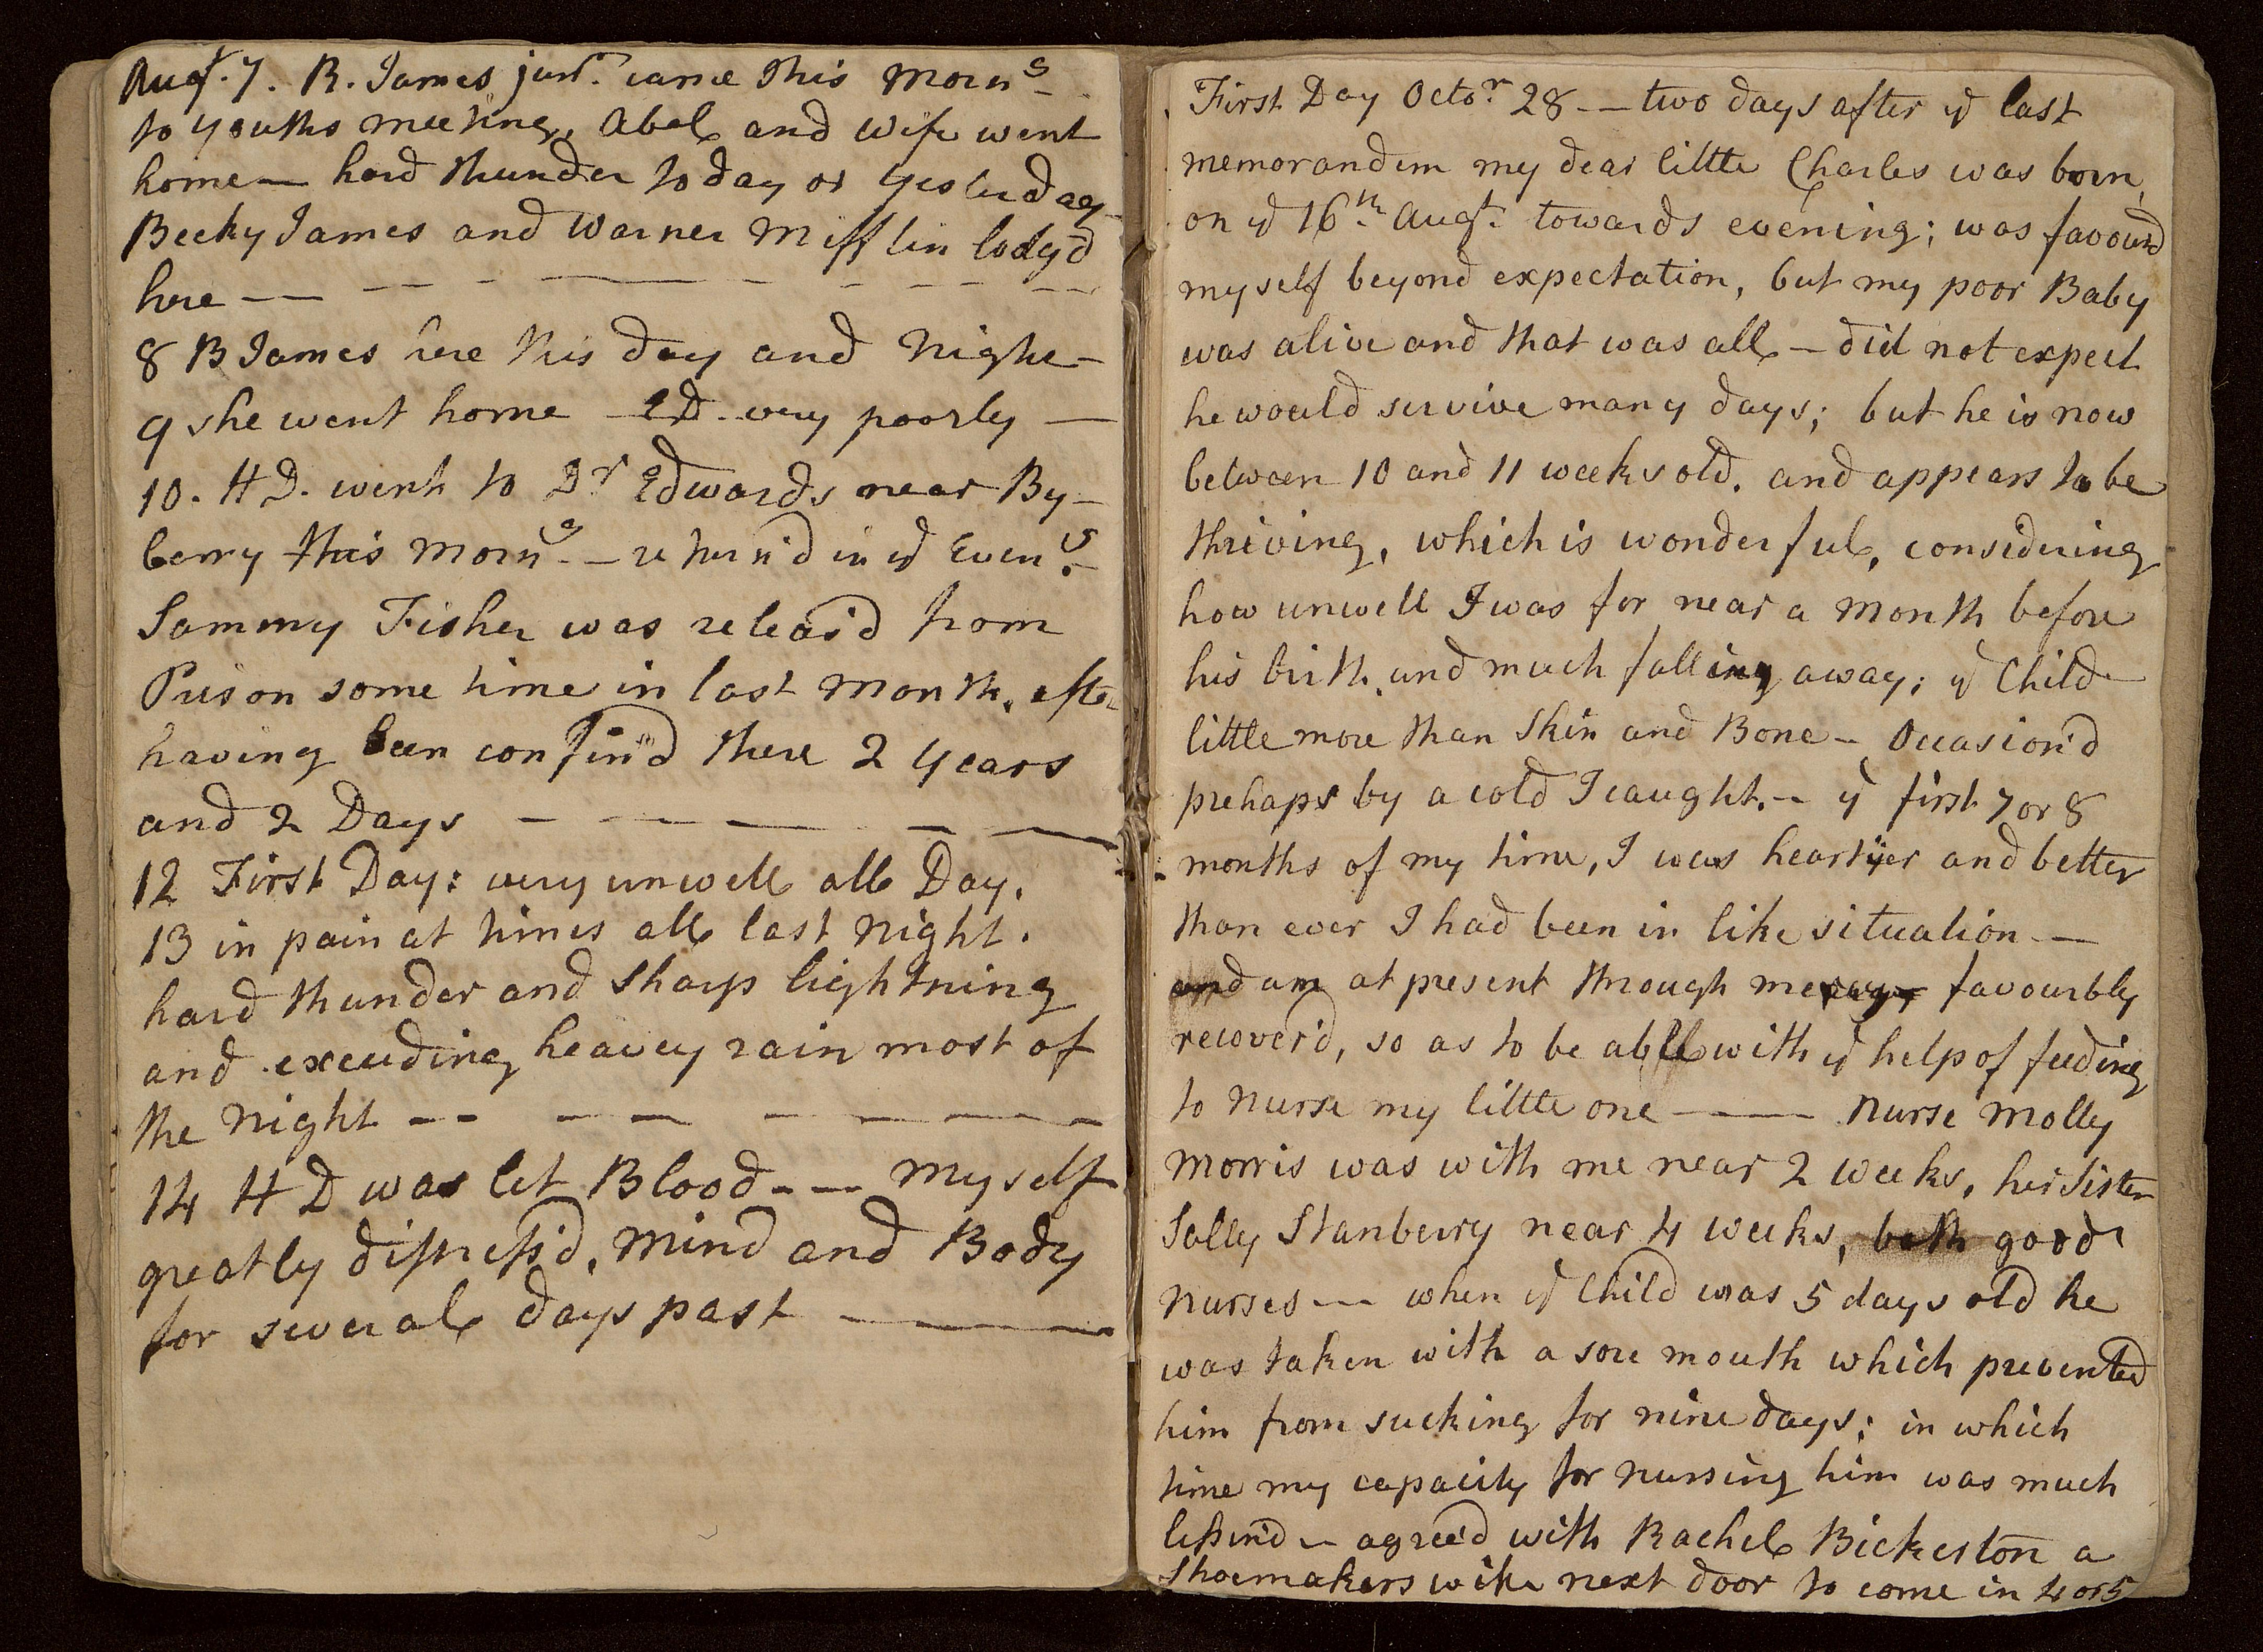Aug^t. 7. R. James jun^r. came This Morn^g-
to youths meeting, Abel and wife went
home- hard thunder today or yesterday
Becky James and Warner Mifflin lodg'd
here-
8 B James here this day and Nighe-
9 she went home ED very poorly-
10. H D. went to D^r. Edwards near By-
barry this morn^g-- return'd in y^e Even^g.
Sammy Fisher was releas'd from
Prison some time in last month, after
having been confin'd there 2 years
and 2 Days----
12 First Day: very unwell all Day,
13 in pain at times all last night.
hard thunder and sharp lightning
and excuding heavey rain most of
the Night--
14 HD was let Blood-- myself
greatly distress'd, mind and Body
for several days past-
First Day Octo^r 28-- two days after y^e last
memorandum my dear liltte Charles was born
on y^e 16^th Aug^t. towards evening; was favourd
myself beyond expectation, but my poor Baby
was alive and that was all- did not expect
he would survive many days; but he is now
between 10 and 11 week sold, and appears to be
thriving, which is wonderful, considering
how unwell I was for near a month before
his birth and much falling away; y^e Child
little more than Skin and Bone- Occasion'd
prehaps by a cold I caught.- y^e first 7or 8
months of my time, I was heartyer and better
than ever I had been in like situation--
and am at present through me [____] favourbly
recover'd, so as to be able with y^e help of feeding
to nurse my little one- Nurse Molly
morris was with me near 2 weeks, her Sister
Solly Stanberry near 4 Weeks, both good
nurses-- when y^e Child was 5 days old he
was taken with a sore mouth which prevented
him from sucking for nine days; in which
time my capacity for nursing him was much
lessen'd- agree'd with Rachel Bickerton a
Shoemakers wife next door to come in 4 or 5